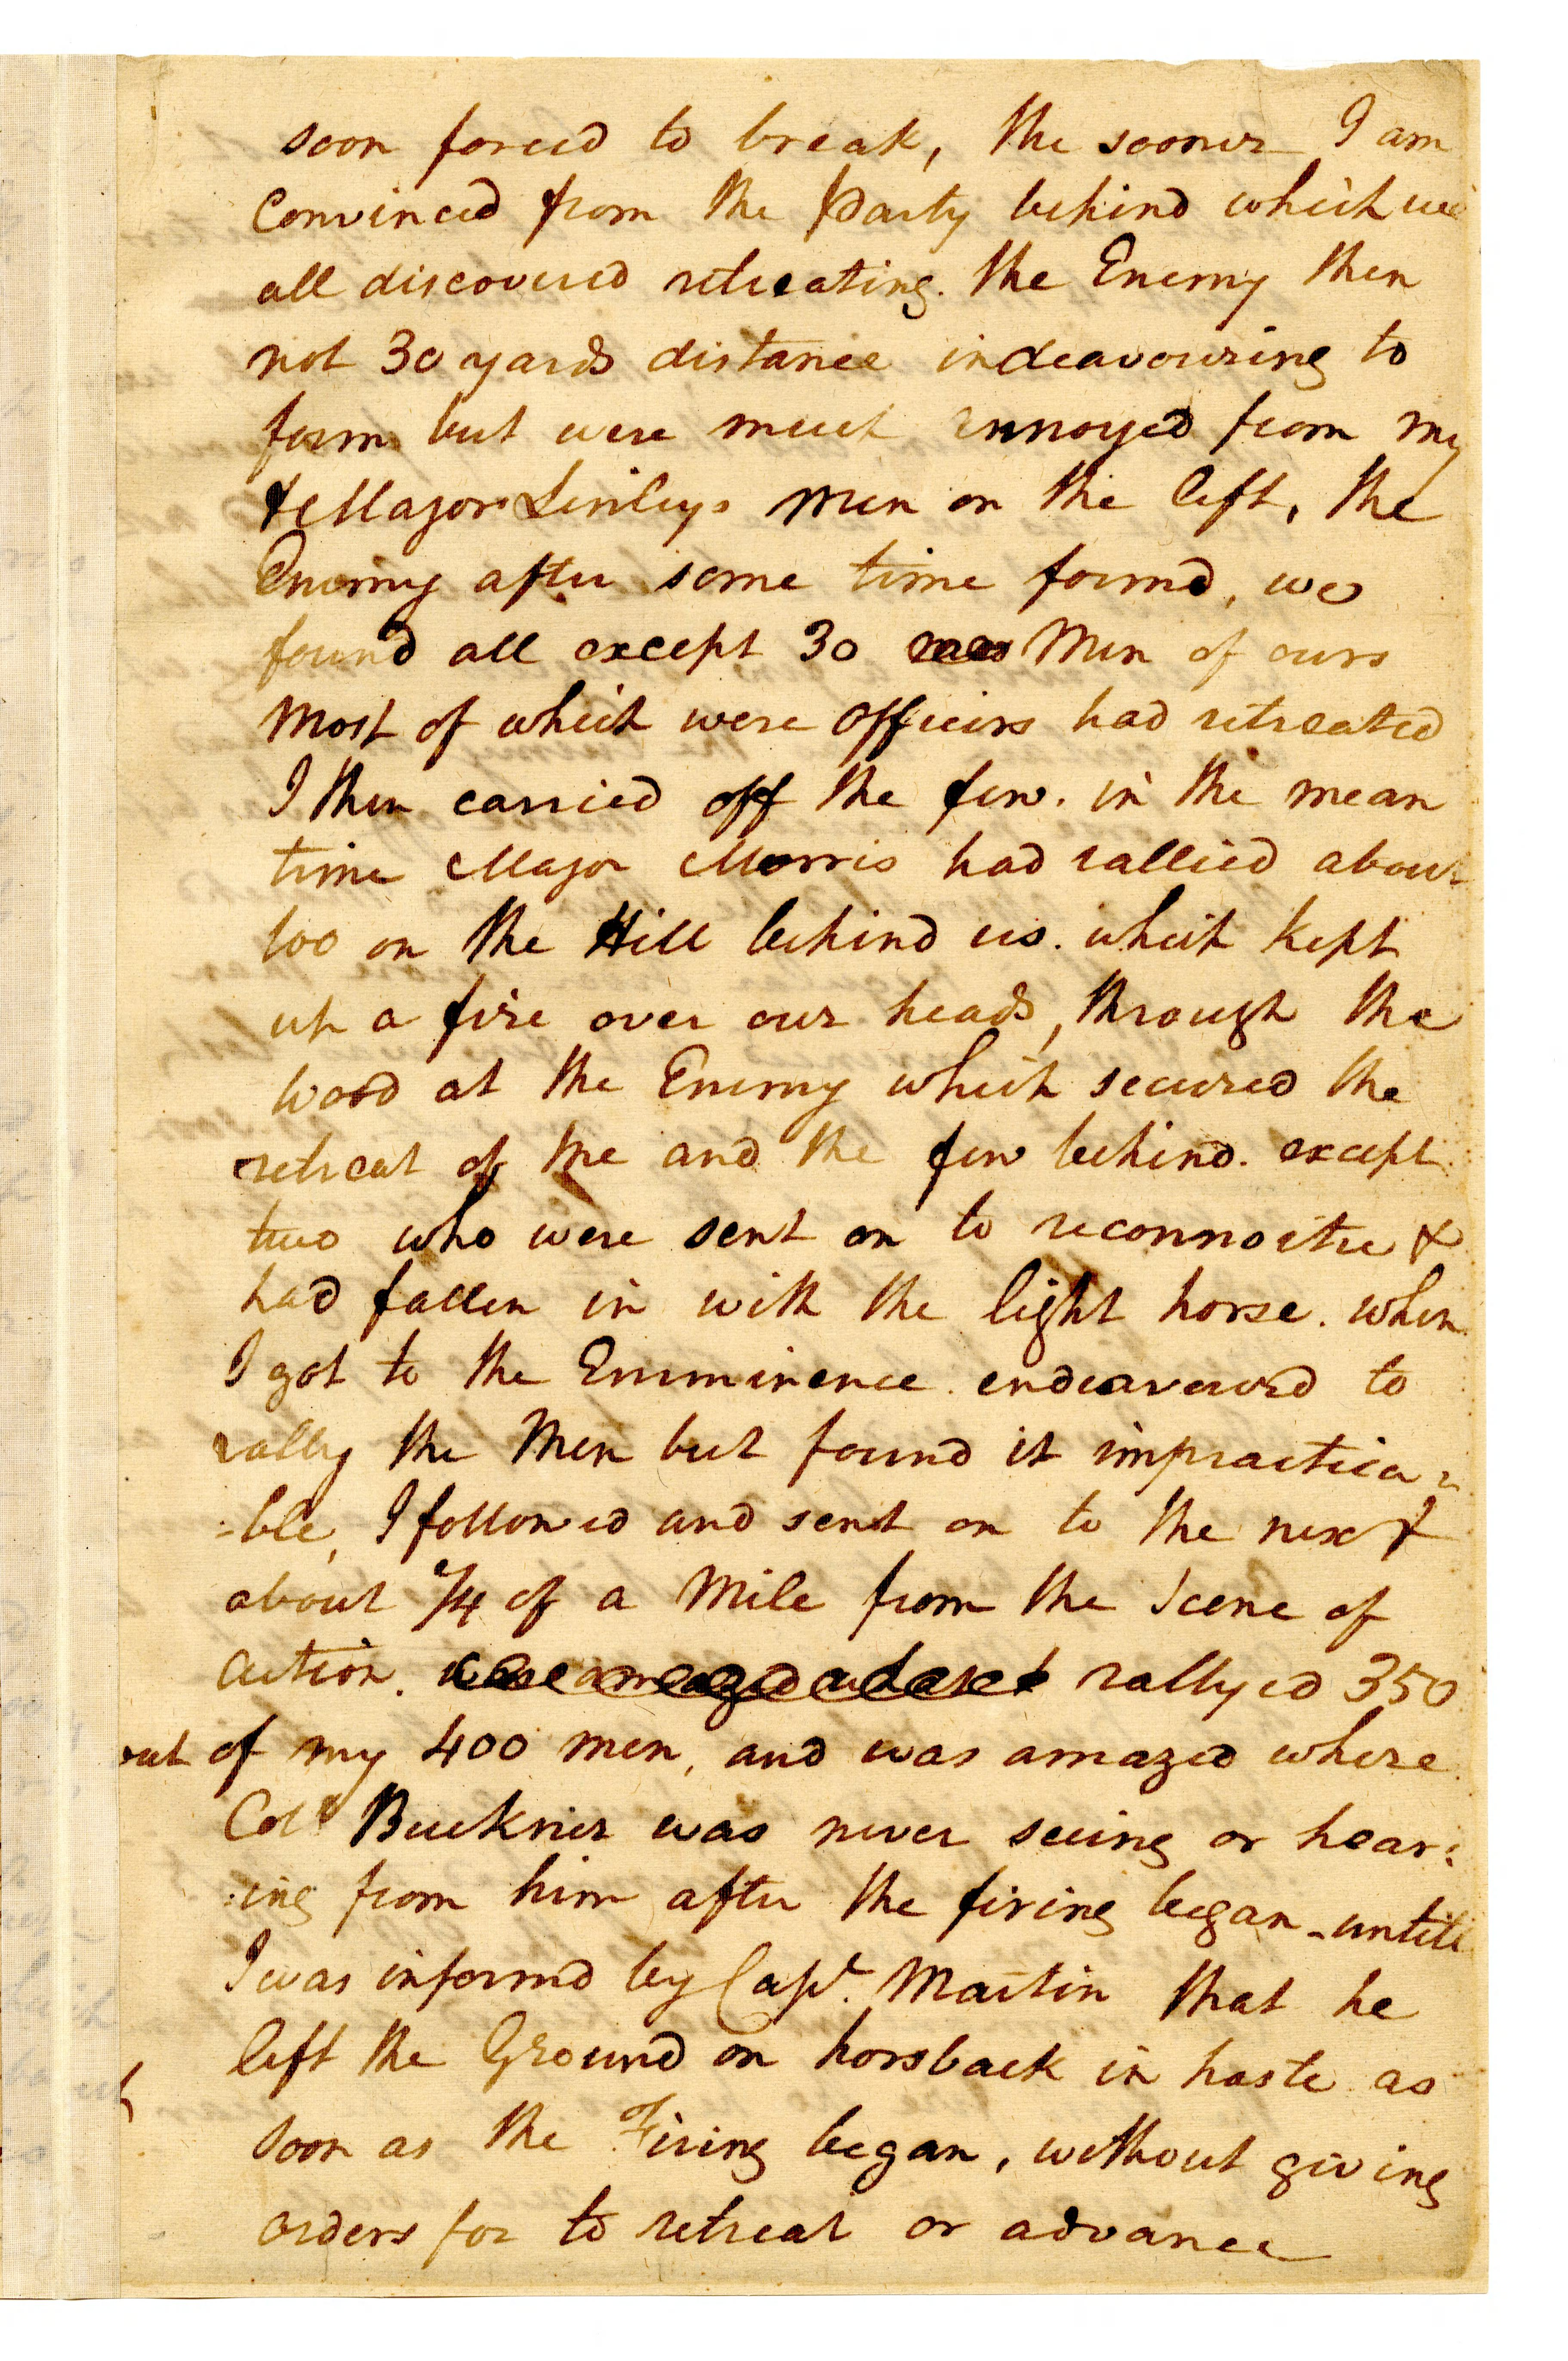soon forced to break, the sooner I am
convinced from the party behind which we
all discovered retreating the Enemy then
not 30 yards distance indeavouring to
form but were much annoyed from my
& Major Linleys men on the left, the
Enemy after some time formd, we
found all except 30 Men of ours
most of which were officers had retreated
I then carried off the few in the mean
time Major Morris had rallied about
100 on the Hill behind us which kept
up a fire over our heads, through the
word at the Enemy which secured the
retreat of me and the few behind except
two who were sent on to reconnoitre &
had fallen in with the light horse. when
I got to the Emminence endeavourd to
rally the Men but found it impractica-
-ble, I followed and sent on to the next
about 1/4 of a Mile from the scene of
action. [___________] rallyed 350
out of my 400 men, and was amazed where
Col^o Buckner was never seeing or hear-
-ing from him after the firing began, untill
I was informd by Cap^t. Martin that he
left the Ground on horsback in haste as
soon as the Firing began, without giving
orders for to retreat or advance